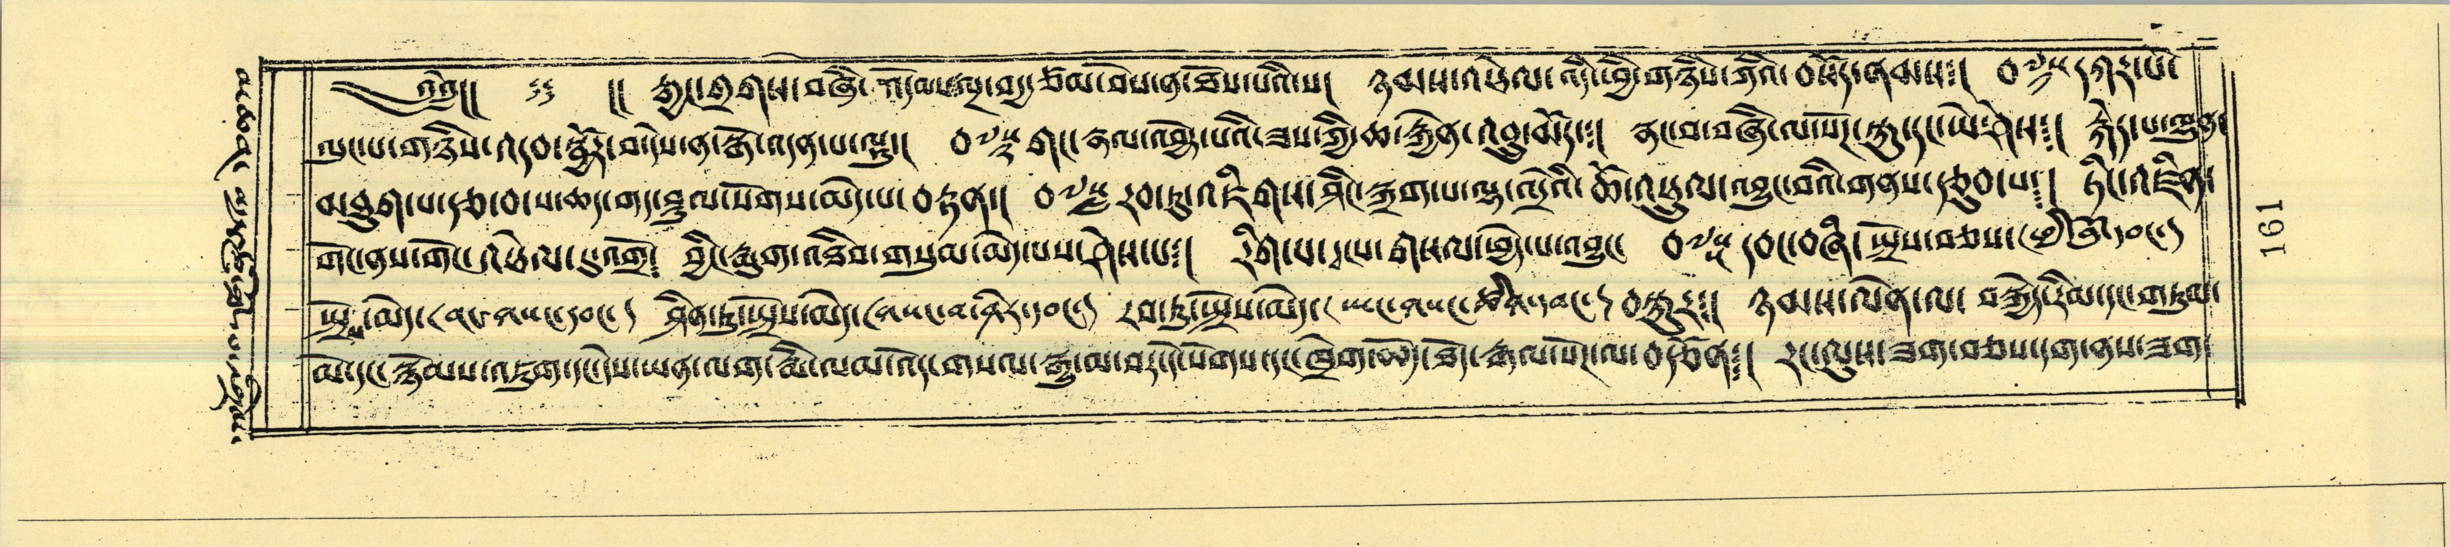རྒྱང་གྲགས་བཞི་འདོམས་ལྔ་བརྒྱ་ཙམ་བོས་ན་ཐོས་པའི་ས་ ཉམས་འཕེལ་འདི་ཕྱི་གཉིས་ཀའི་བསོད་ནམས་ བ༧༥།༡དཀར་པོ་
ལུང་པ་གཉིས་འདབ་སྦྱོར་བ་དེས་ན་སྒོ་འདོན་པ་ལྟ་བུ་ བ༧༥།༢གང་རྣལ་འབྱོར་བའི་ཟས་ཀྱི་ཆ་རྐྱེན་འབྲུ་མོད་ སྣང་བ་བཞི་ལ་སོགས་སྐུ་དང་ཡེ་ཤེས་ རྐེད་པ་ལྷུན་
མཐུག་པ་རྩ་བ་ས་ཆད་གད་ཤུལ་སོགས་མེད་པར་བརྟན་ བ༧༥།༤༼རབ་ཏུ་འཇིགས༽ཤིང་སྐྲག་པ་ལྷ་འདྲེའི་༼ཆོ་འཕྲུལ་༽འབྱུང་བའི་གནས་༼རྩུབ་པ༽༼ཏིང་འཛིན༽
གོང་ནས་གོང་འཕེལ་དུ་འགྲོ། བྱིོང་རྨུག་འཐིབ་གསུམ་མེད་པས་༼ཤེས་པ༑ རིག་པ་༽དངས་༼གསལ༽ཕྱེད་པ་འབྱུང་ ༧༥།༥༼དབང་བཞི༽སྤྲོས་བཅས་ཕྱི་བུམ་དབང་།
སྤྲོས་མེད་ནང་གསང་དབང་། ཤིན་ཏུ་སྤྲོས་མེད་གསང་བ་ཤེར་དབང་། རབ་ཏུ་སྤྲོས་མེད་ཡང་གསང་ཚིག་དབང་།༼བསྐུར༽༼ཉམས་ལེན་ལ༽བསྐྱེད་རིམ་དང་གཏུམ་
མོ་དང་སྙོམས་འཇུག་དེས་ཡན་ལག་རྨི་ལམ་འོད་གསལ་སྒྱུ་མ་བར་དོ་སོགས་དང་ཁྲེགས་ཆོད་ཐོད་རྒལ་སོགས་ལ་༼བརྩོན༽༼རང་ལུས༽ཟག་བཅས་དག་ནས་ཟག་